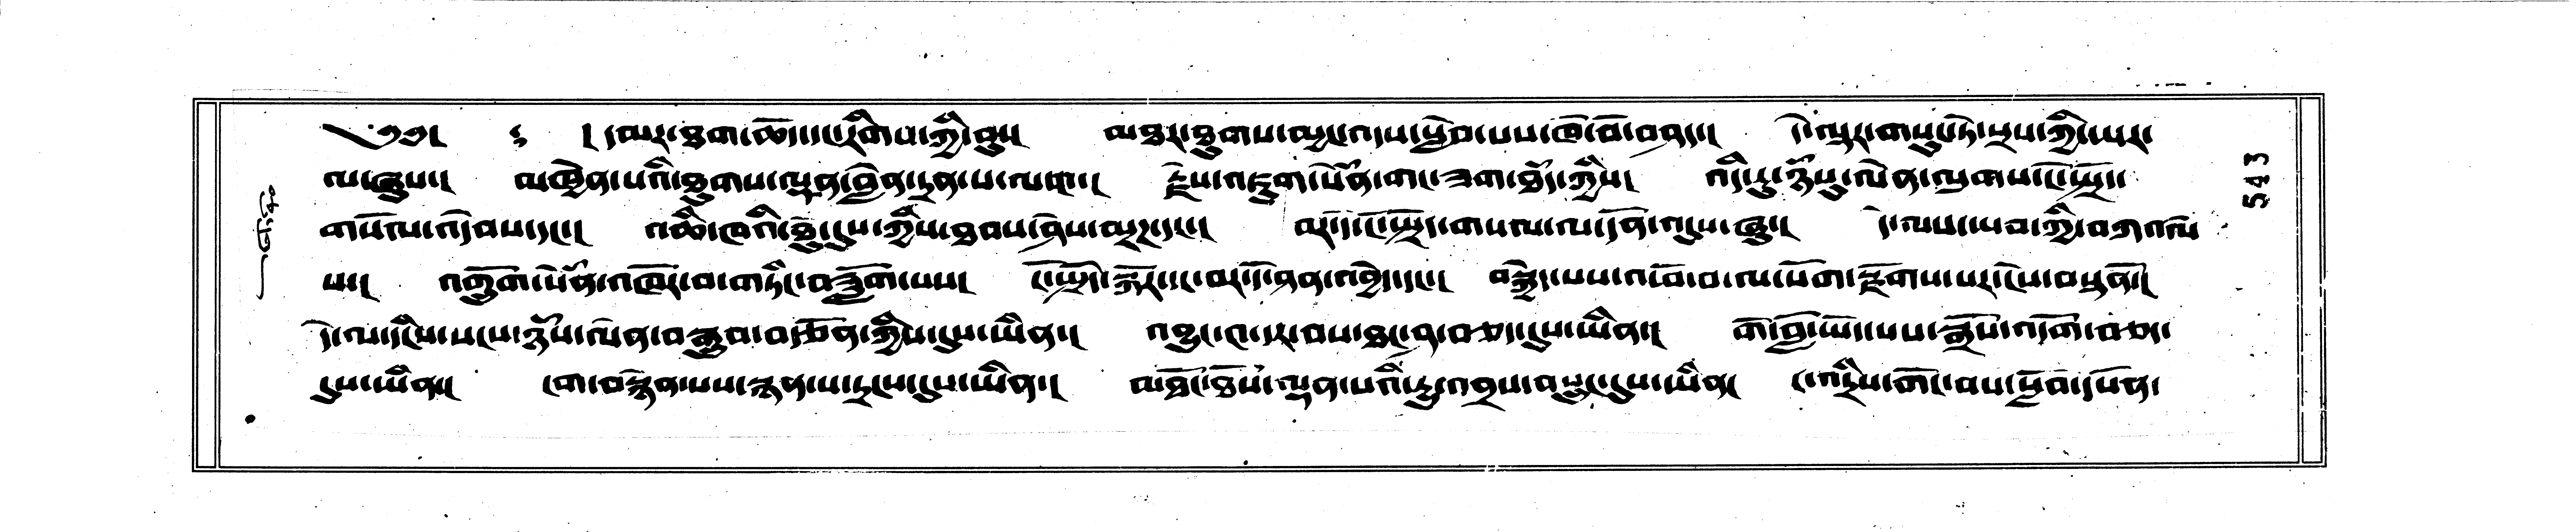དམར་ཐག་ཆོད་དང་རིགས་ཀྱི་བུ། མཐར་ཐུག་མྱང་འདས་སླེབ་པར་ཁོ་བོའི་༼བོས༽བཤད། དེ་ལྟར་གསུངས་སྟེ་སྲས་ཀྱི་ཡར་
ལ་ཞུས། མཁྱེན་པའི་ཐུག་ལྡན་བླ་ཆེན་དྲན་པ་ལ། རྗེས་འཇུག་སེམས་ཅན་གང་ཟག་ཐམས་ཅད་ཀྱིས། ཚེ་འདི་རུ་ཉམས་སུ་ལེན་ལུགས་ངོས་སྤྲོས་
གསལ་འདེབས། འཆི་ཁ་དུས་ཀྱི་ཐབས་ཤེས་མེན་ངག་དང་། བར་དོ་ངོས་སྤྲོད་གསལ་ལ་དོན་དམ་ཞུ། དེ་ལ་ཡབ་ཀྱི་བཀའ་སྩལ་འདི་སྐད་
གསུངས། འགྲོ་དྲུག་སེམས་ཅན་འཁོར་བ་གཏིང་བཟློག་པའི། ངོ་སྤྲོད་སྐོར་དང་བར་དོ་ཤན་འབྱེད་དང་། བྷེད་༼འབད༽པའི་འཕོ་བ་ལ་སོགས་རྫོགས་པར་ངས་བསྟན་ནོ།
 དེ་ནས་དེང་སང་ཉམས་ལེན་བསྒྲུབ་ལ་བརྩོན་དུས་ཡིན་ནོ། ཅིའི་ཕྱིར་ན་མེན་ངག་བཤད་པ་ལ། དལ་འབྱོར་ཀུན་ཚངས་ལུས་འདི་ཐོབ་པའི་དུས། ཡང་དག་དོན་ཆེན་བསྒྲུབ་པ་དབང་ཆེ་པས། རིག་པ་གསལ་ནས་ཞུ་གཏུག་བྱེད་དུས་ཡིན། འབྱུང་བཞི་དར་བས་ཐང་ཤ་བཅད་དུས་ཡིན། གོ་བློ་ཡོད་པས་སྒྲོས་འདོག་བཅས་
དུས་ཡིན། ངག་སྙན་བདེ་བས་སྙན་པ་དྲང་དུས་ཡིན། མཐོང་ཐོས་ཚོར་བས་རྒྱུ་འབྲས་བསྲུང་དུས་ཡིན།